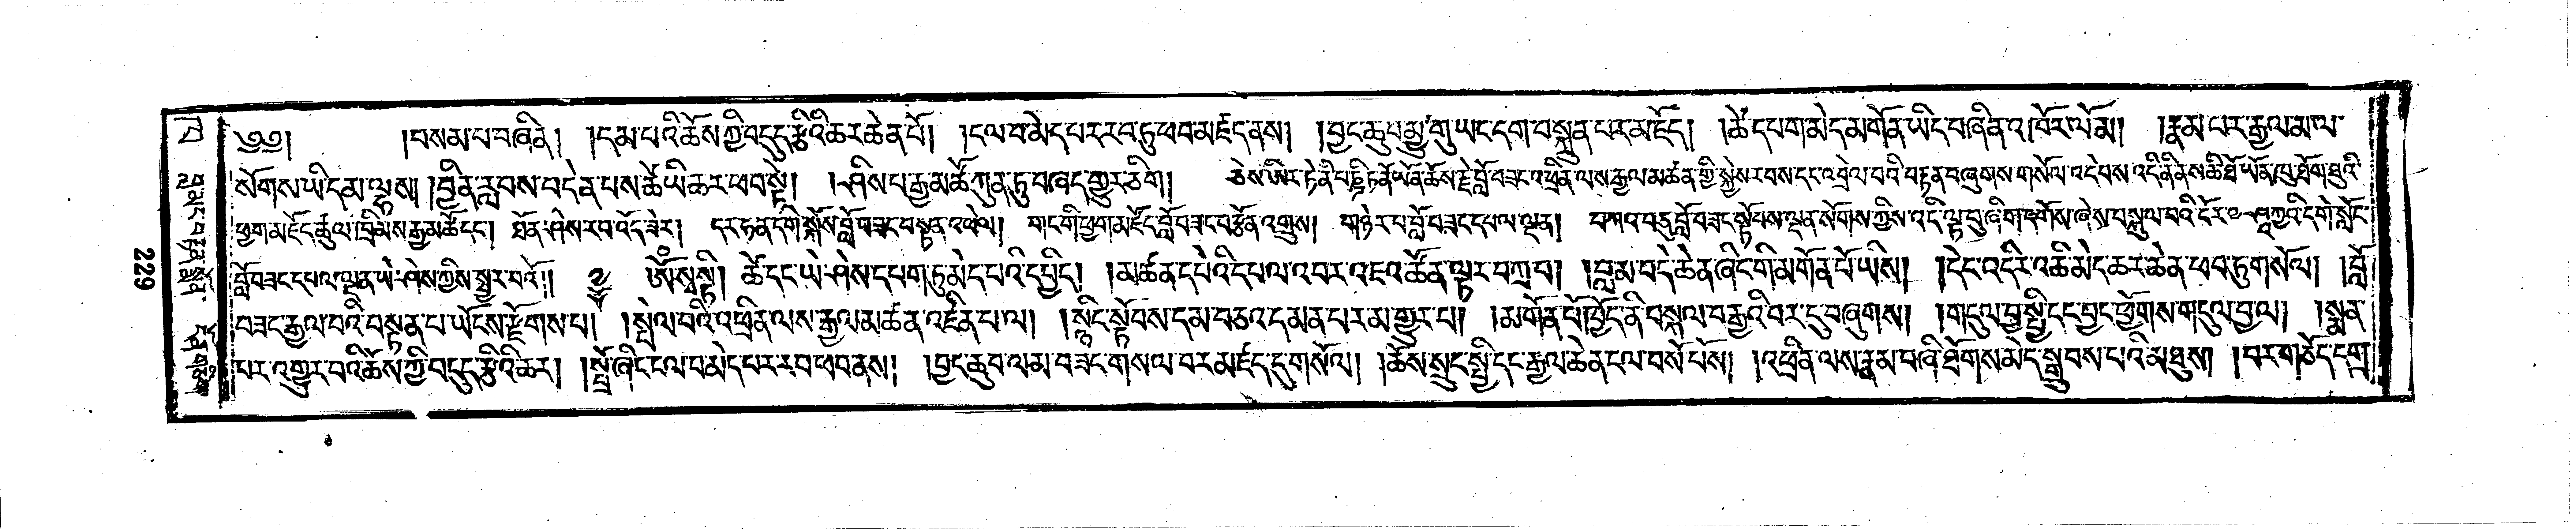༄༅། །བསམ་པ་བཞིན། །དམ་པའི་ཆོས་ཀྱི་བདུད་རྩིའི་ཆར་ཆེན་པོ། །ངལ་བ་མེད་པར་རབ་ཏུ་ཕབ་མཛད་ནས། །བྱང་ཆུབ་མྱུ་གུ་ཡང་དག་བ་སྐྲུན་པར་མཛོད། །ཚེ་དཔག་མེད་མགོན་ཡིད་བཞིན་འཁོར་ལོ་མ། །རྣམ་པར་རྒྱལ་མ་ལ་
སོགས་ཡི་དམ་ལྷས། །བྱིན་རླབས་བདེན་པས་ཚེ་ཡི་ཆར་ཕབ་སྟེ། །ཤིས་པ་རྒྱ་མཚོ་ཀུན་ཏུ་བཞད་གྱུར་ཅིག། ཅེས་ཨིར་ཏེ་ནི་པཎྜི་ཏ་ནོ་ཡོན་ཆོས་རྗེ་བློ་བཟང་འཕྲིན་ལས་རྒྱལ་མཚན་གྱི་སྐྱེས་རབས་དང་འབྲེལ་བའི་བརྟན་བཞུགས་གསོལ་འདེབས་འདི་ནི་ནས་ཆི་ཐོ་ཡོན་ཁུ་ཐོག་ཐུའི་
ཕྱག་མཛོད་ཚུལ་ཁྲིམས་རྒྱ་མཚོ་དང་། ཐོན་ཤེས་རབ་འོད་ཟེར། དར་ཧན་དགེ་སྐོས་བློ་བཟང་བསྟན་འཕེལ། གང་གི་ཕྱག་མཛོད་བློ་བཟང་བརྩོན་འགྲུས། གཉེར་པ་བློ་བཟང་དཔལ་ལྡན། བཀའ་བཅུ་བློ་བཟང་སྟོབས་ལྡན་སོགས་ཀྱིས་འདི་ལྟ་བུ་ཞིག་དགོས་ཞེས་བསྐུལ་བའི་ངོར་༧་ཤཱཀྱའི་དགེ་སློང་
བློ་བཟང་དཔལ་ལྡན་ཡེ་ཤེས་ཀྱིས་སྦྱར་བའོ།། ༈ ཨོཾ་སྭསྟི། ཚེ་དང་ཡེ་ཤེས་དཔག་ཏུ་མེད་པའི་དཔྱིད། །མཚན་དཔེའི་དཔལ་འབར་འཇའ་ཚོན་ལྟར་བཀྲ་བ། །བླ་མ་བདེ་ཆེན་ཞིང་གི་མགོན་པོ་ཡིས། །དེང་འདིར་འཆི་མེད་ཆར་ཆེན་ཕབ་ཏུ་གསོལ། །བློ་
བཟང་རྒྱལ་བའི་བསྟན་པ་ཡོངས་རྫོགས་པ། །སྤེལ་བའི་འཕྲིན་ལས་རྒྱལ་མཚན་འཛིན་པ་ལ། །སྙིང་སྟོབས་དམ་བཅའ་དམན་པར་མ་གྱུར་པ། །མགོན་པོ་ཁྱོད་ནི་བསྐལ་བ་རྒྱའི་བར་དུ་བཞུགས། །གདུལ་བྱ་སྦྱི་དང་བྱང་ཕྱོགས་གདུལ་བྱ་ལ། །སྨན་
པར་འགྱུར་བའི་ཆོས་ཀྱི་བདུད་རྩིའི་ཆར། །སྤྲོ་ཞིང་ངལ་བ་མེད་པར་རབ་ཕབ་ནས། །བྱང་ཆུབ་ལམ་བཟང་གསལ་བར་མཛད་དུ་གསོལ། །ཆོས་སྲུང་སྤྱི་དང་རྒྱལ་ཆེན་ངལ་བསོ་པོས། །འཕྲིན་ལས་རྣམ་བཞི་ཐོགས་མེད་སྒྲུབ་པའི་མཐུས། །བར་གཅོད་དགྲ་